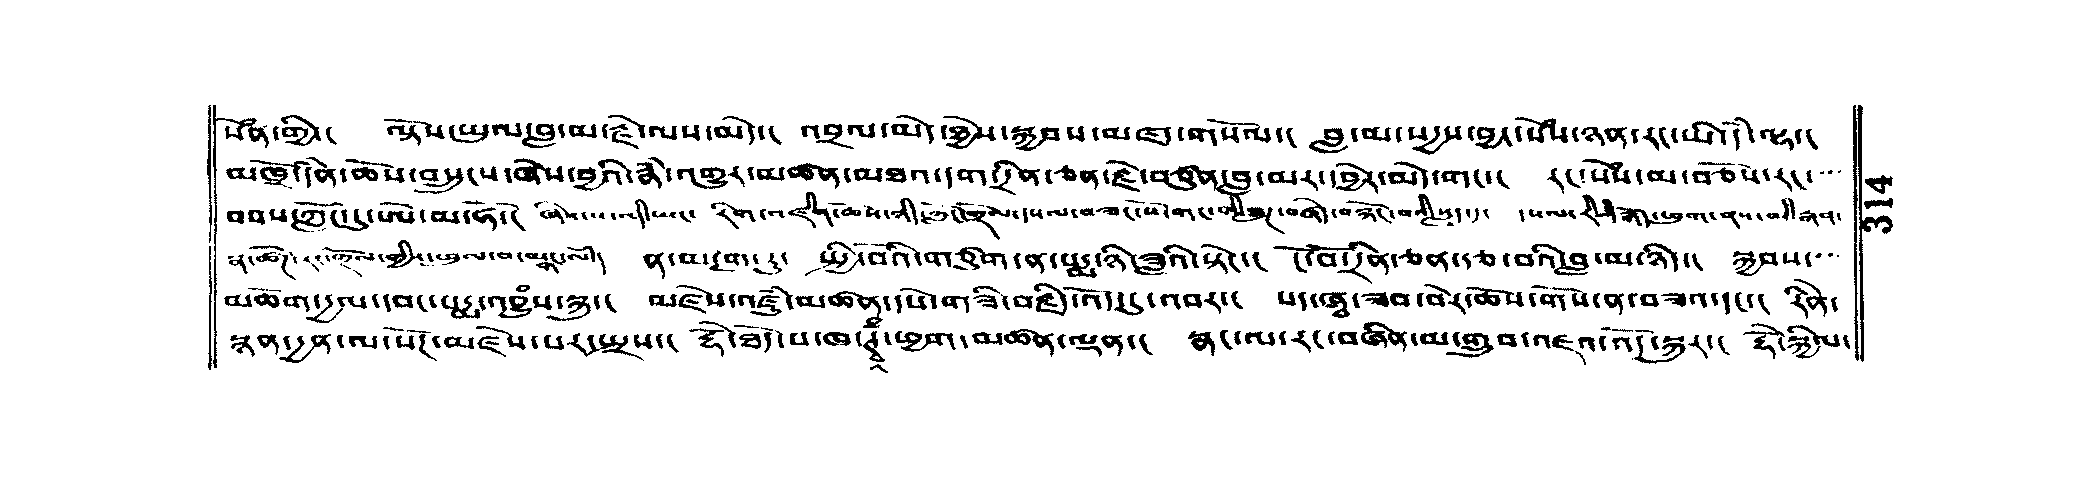སེམས་ཅན་གྱི། །ལྟོས་ཡུལ་བླ་མ་རྗེ་ལས་མེད། །འབྲལ་མེད་ཐུགས་རྗེས་སྐྱབས་མཛད་གསོལ། །བླ་མ་སངས་རྒྱས་བྱང་སེམས་ཉན་རང་ཡི་དམ་ལྷ། །
མཁའ་འགྲོ་དམ་ཅན་ཆོས་སྲུང་ཞེས་བྱའི་རྣམ་འགྱུར་མཚན། །མཐའ་དག་དྲིན་ཅན་རྗེ་བཙུན་བླ་མར་དབྱེར་མེད་གང་། །རང་སེམས་མ་བཅོས་རང་
བབས་ཀློང་དུ་ཨེ་མ་ཧོ། ཞེས་པ་འདི་ཡང་རིག་འཛིན་ཆོས་ཉིད་ཀློང་གྲོལ་དཔལ་བཟང་པོ་གང་གི་ཐུགས་བཞེད་བསྐོང་བའི་སླད་དུ། དཔལ་རིའི་རྒོད་ཕུག་ནས་མི་རྒན་
སྣ་ཚོགས་རང་གྲོལ་གྱིས་ཕུལ་བ་མངྒ་ལམ།། ན་མོ་གུ་རུ། སྤྱི་བོའི་གཙུག་ན་པདྨ་ཉི་ཟླའི་སྟེང་། །ངོ་བོ་དྲིན་ཅན་རྩ་བའི་བླ་མ་ཉིད། །སྐྱབས་
མཆོག་རྒྱལ་དབང་པདྨ་འབྱུང་གནས་སྐུ། །མཛེས་འཛུམ་མཚན་དཔེ་གཟི་བརྗིད་འོད་དུ་འབར། །པད་ཞྭ་ཟབ་བེར་ཆོས་གོས་ན་བཟའ་དང་། །རིན་ཆེན་
སྙན་རྒྱན་ལ་སོགས་མཛེས་པར་སྤྲས། །རྡོ་རྗེ་ཐོད་པ་ཁ་ཊྭྃ་ཕྱག་མཚན་ལྡན། །སྣང་ལ་རང་བཞིན་མ་གྲུབ་འཇའ་འོད་སྐུར། །རྡོ་རྗེ་སྐྱིལ་